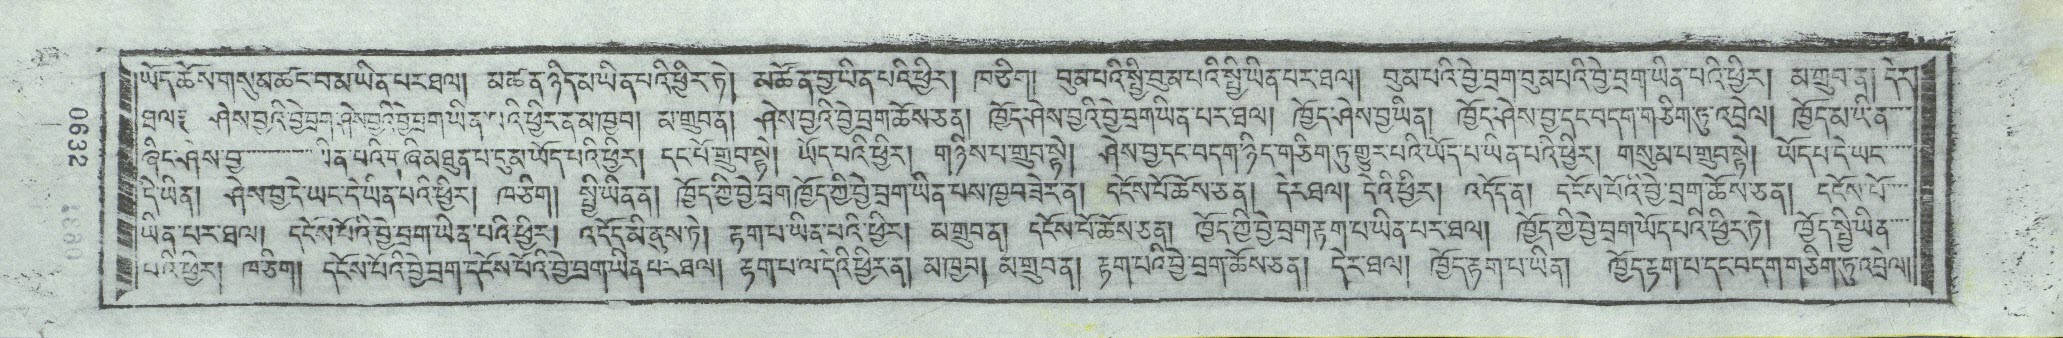ཡོད་ཆོས་གསུམ་ཚང་བ་མ་ཡིན་པར་ཐལ། མཚན་ཉིད་མ་ཡིན་པའི་ཕྱིར་ཏེ། མཚོན་བྱ་ཡིན་པའི་ཕྱིར། ཁ་ཅིག། བུམ་པའི་སྤྱི་བུམ་པའི་སྤྱི་ཡིན་པར་ཐལ། བུམ་པའི་བྱེ་བྲག་བུམ་པའི་བྱེ་བྲག་ཡིན་པའི་ཕྱིར། མ་གྲུབ་ན། དེར་
ཐལ༑ ཤེས་བྱའི་བྱེ་བྲག་ཤེས་བྱའི་བྱེ་བྲག་ཡིན་པའི་ཕྱིར་ན་མ་ཁྱབ། མ་གྲུབ་ན། ཤེས་བྱའི་བྱེ་བྲག་ཆོས་ཅན། ཁྱོད་ཤེས་བྱའི་བྱེ་བྲག་ཡིན་པར་ཐལ། ཁྱོད་ཤེས་བྱ་ཡིན། ཁྱོད་ཤེས་བྱ་དང་བདག་གཅིག་ཏུ་འབྲེལ། ཁྱོད་མ་ཡིན་
ཞིང་ཤེས་བྱ་ཡིན་པའི་གཞི་མཐུན་པ་དུ་མ་ཡོད་པའི་ཕྱིར། དང་པོ་གྲུབ་སྟེ། ཡོད་པའི་ཕྱིར། གཉིས་པ་གྲུབ་སྟེ། ཤེས་བྱ་དང་བདག་ཉིད་གཅིག་ཏུ་གྱུར་པའི་ཡོད་པ་ཡིན་པའི་ཕྱིར། གསུམ་པ་གྲུབ་སྟེ། ཡོད་པ་དེ་ཡང་
དེ་ཡིན། ཤེས་བྱ་དེ་ཡང་དེ་ཡིན་པའི་ཕྱིར། ཁ་ཅིག། སྤྱི་ཡིན་ན། ཁྱོད་ཀྱི་བྱེ་བྲག་ཁྱོད་ཀྱི་བྱེ་བྲག་ཡིན་པས་ཁྱབ་ཟེར་ན། དངོས་པོ་ཆོས་ཅན། དེར་ཐལ། དེའི་ཕྱིར། འདོད་ན། དངོས་པོའི་བྱེ་བྲག་ཆོས་ཅན། དངོས་པོ་
ཡིན་པར་ཐལ། དངོས་པོའི་བྱེ་བྲག་ཡིན་པའི་ཕྱིར། འདོད་མི་ནུས་ཏེ། རྟག་པ་ཡིན་པའི་ཕྱིར། མ་གྲུབ་ན། དངོས་པོ་ཆོས་ཅན། ཁྱོད་ཀྱི་བྱེ་བྲག་རྟག་པ་ཡིན་པར་ཐལ། ཁྱོད་ཀྱི་བྱེ་བྲག་ཡོད་པའི་ཕྱིར་ཏེ། ཁྱོད་སྤྱི་ཡིན་
པའི་ཕྱིར། ཁ་ཅིག། དངོས་པོའི་བྱེ་བྲག་དངོས་པོའི་བྱེ་བྲག་ཡིན་པར་ཐལ། རྟག་པ་ལ་དེའི་ཕྱིར་ན། མ་ཁྱབ། མ་གྲུབ་ན། རྟག་པའི་བྱེ་བྲག་ཆོས་ཅན། དེར་ཐལ། ཁྱོད་རྟག་པ་ཡིན། ཁྱོད་རྟག་པ་དང་བདག་གཅིག་ཏུ་འབྲེལ།